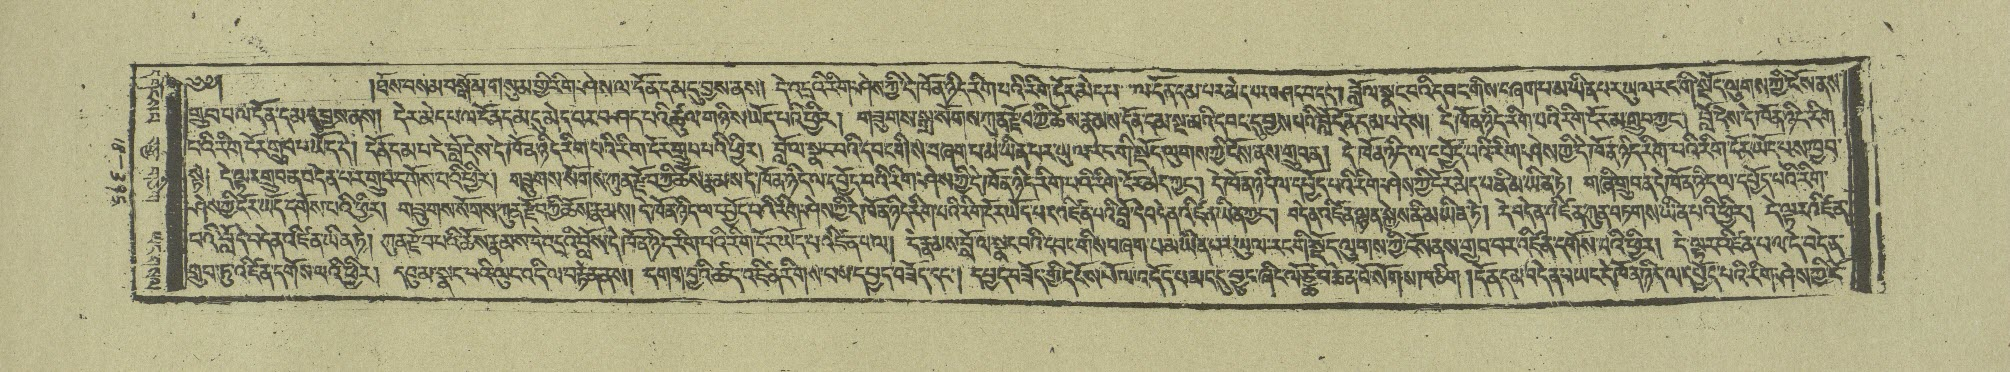༄༅། །ཐོས་བསམ་བསྒོམ་གསུམ་གྱི་རིག་ཤེས་ལ་དོན་དམ་དུ་བྱས་ནས། དེ་འདྲའི་རིག་ཤེས་ཀྱི་དེ་ཁོ་ན་ཉིད་རིག་པའི་རིག་ངོར་མེད་པ་ལ་དོན་དམ་པར་མེད་པར་བཤད་པ་དང་། བློ་ལ་སྣང་བའི་དབང་གིས་བཞག་པ་མ་ཡིན་པར་ཡུལ་རང་གི་སྡོད་ལུགས་ཀྱི་ངོས་ནས་
གྲུབ་པ་ལ་དོན་དམ་དུ་བྱས་ནས། དེར་མེད་པ་ལ་དོན་དམ་དུ་མེད་པར་བཤད་པའི་ཚུལ་གཉིས་ཡོད་པའི་ཕྱིར། གཟུགས་སྒྲ་སོགས་ཀུན་རྫོབ་ཀྱི་ཆོས་རྣམས་དོན་དམ་སྔ་མའི་དབང་དུ་བྱས་པའི་བློ་དོན་དམ་པ་དེས། དེ་ཁོ་ན་ཉིད་རིག་པའི་རིག་ངོར་མ་གྲུབ་ཀྱང་། བློ་དེས་དེ་ཁོ་ན་ཉིད་རིག་
པའི་རིག་ངོར་གྲུབ་པ་ཡོད་དེ། དོན་དམ་པ་དེ་བློ་དེས་དེ་ཁོ་ན་ཉིད་རིག་པའི་རིག་ངོར་གྲུབ་པའི་ཕྱིར། བློ་ལ་སྣང་བའི་དབང་གིས་བཞག་པ་མ་ཡིན་པར་ཡུལ་རང་གི་སྡོད་ལུགས་ཀྱི་ངོས་ནམ་གྲུབ་ན། དེ་ཁོ་ན་ཉིད་ལ་དཔྱོད་པའི་རིག་ཤེས་ཀྱི་དེ་ཁོ་ན་ཉིད་རིག་པའི་རིག་ངོར་ཡོད་པས་ཁྱབ་
སྟེ། དེ་ལྟར་གྲུབ་ན་བདེན་པར་གྲུབ་དགོས་པའི་ཕྱིར། གཟུགས་སོགས་ཀུན་རྫོབ་ཀྱི་ཆོས་རྣམས་དེ་ཁོ་ན་ཉིད་ལ་དཔྱོད་པའི་རིག་ཤེས་ཀྱི་དེ་ཁོ་ན་ཉིད་རིག་པའི་རིག་ངོར་མེད་ཀྱང་། དེ་ཁོ་ན་ཉིད་ལ་དཔྱོད་པའི་རིག་ཤེས་ཀྱི་ངོར་མེད་པ་ནི་མ་ཡིན་ཏེ། གཞི་གྲུབ་ན་དེ་ཁོ་ན་ཉིད་ལ་དཔྱོད་པའི་རིག་
ཤེས་ཀྱི་ངོར་ཡོད་དགོས་པའི་ཕྱིར། གཟུགས་སོགས་ཀུན་རྫོབ་ཀྱི་ཆོས་རྣམས། དེ་ཁོ་ན་ཉིད་དཔྱོད་པའི་རིག་ཤེས་ཀྱི་དེ་ཁོ་ན་ཉིད་རིག་པའི་རིག་ངོར་ཡོད་པར་འཛིན་པའི་བློ་དེ་བདེན་འཛིན་ཡིན་ཀྱང་། བདེན་འཛིན་ལྷན་སྐྱེས་ནི་མ་ཡིན་ཏེ། དེ་བདེན་འཛིན་ཀུན་བཏགས་ཡིན་པའི་ཕྱིར། དེ་ལྟར་འཛིན་
པའི་བློ་དེ་བདེན་འཛིན་ཡིན་ཏེ། ཀུན་རྫོབ་པའི་ཆོས་རྣམས་དེ་འདྲའི་བློས་དེ་ཁོ་ན་ཉིད་རིག་པའི་རིག་ངོར་ཡོད་པ་འཛིན་པ་ལ། དེ་རྣམས་བློ་ལ་སྣང་བའི་དབང་གིས་བཞག་པ་མ་ཡིན་པར་ཡུལ་རང་གི་སྡོད་ལུགས་ཀྱི་ངོས་ནས་གྲུབ་པར་འཛིན་དགོས་པའི་ཕྱིར། དེ་ལྟར་འཛིན་པ་ལ་དེ་བདེན་
གྲུབ་ཏུ་འཛིན་དགོས་པའི་ཕྱིར། དབུ་མ་སྣང་བའི་ལུང་འདི་ལ་བརྟེན་ནས། དགག་བྱའི་ཚད་འཛིན་རིགས་པས་དཔྱད་བཟོད་དང་། དཔྱད་བཟོད་གྱི་དངོས་པོ་ལ་འདོད་པ་མང་དུ་བྱུང་ཞིང་ལོ་ཙྪ་བ་ཆེན་པོ་སོགས་ཁ་ཅིག །དོན་དམ་བདེན་པ་ཡང་དེ་ཁོ་ན་ཉིད་ལ་དཔྱོད་པའི་རིག་ཤེས་ཀྱི་ངོ་